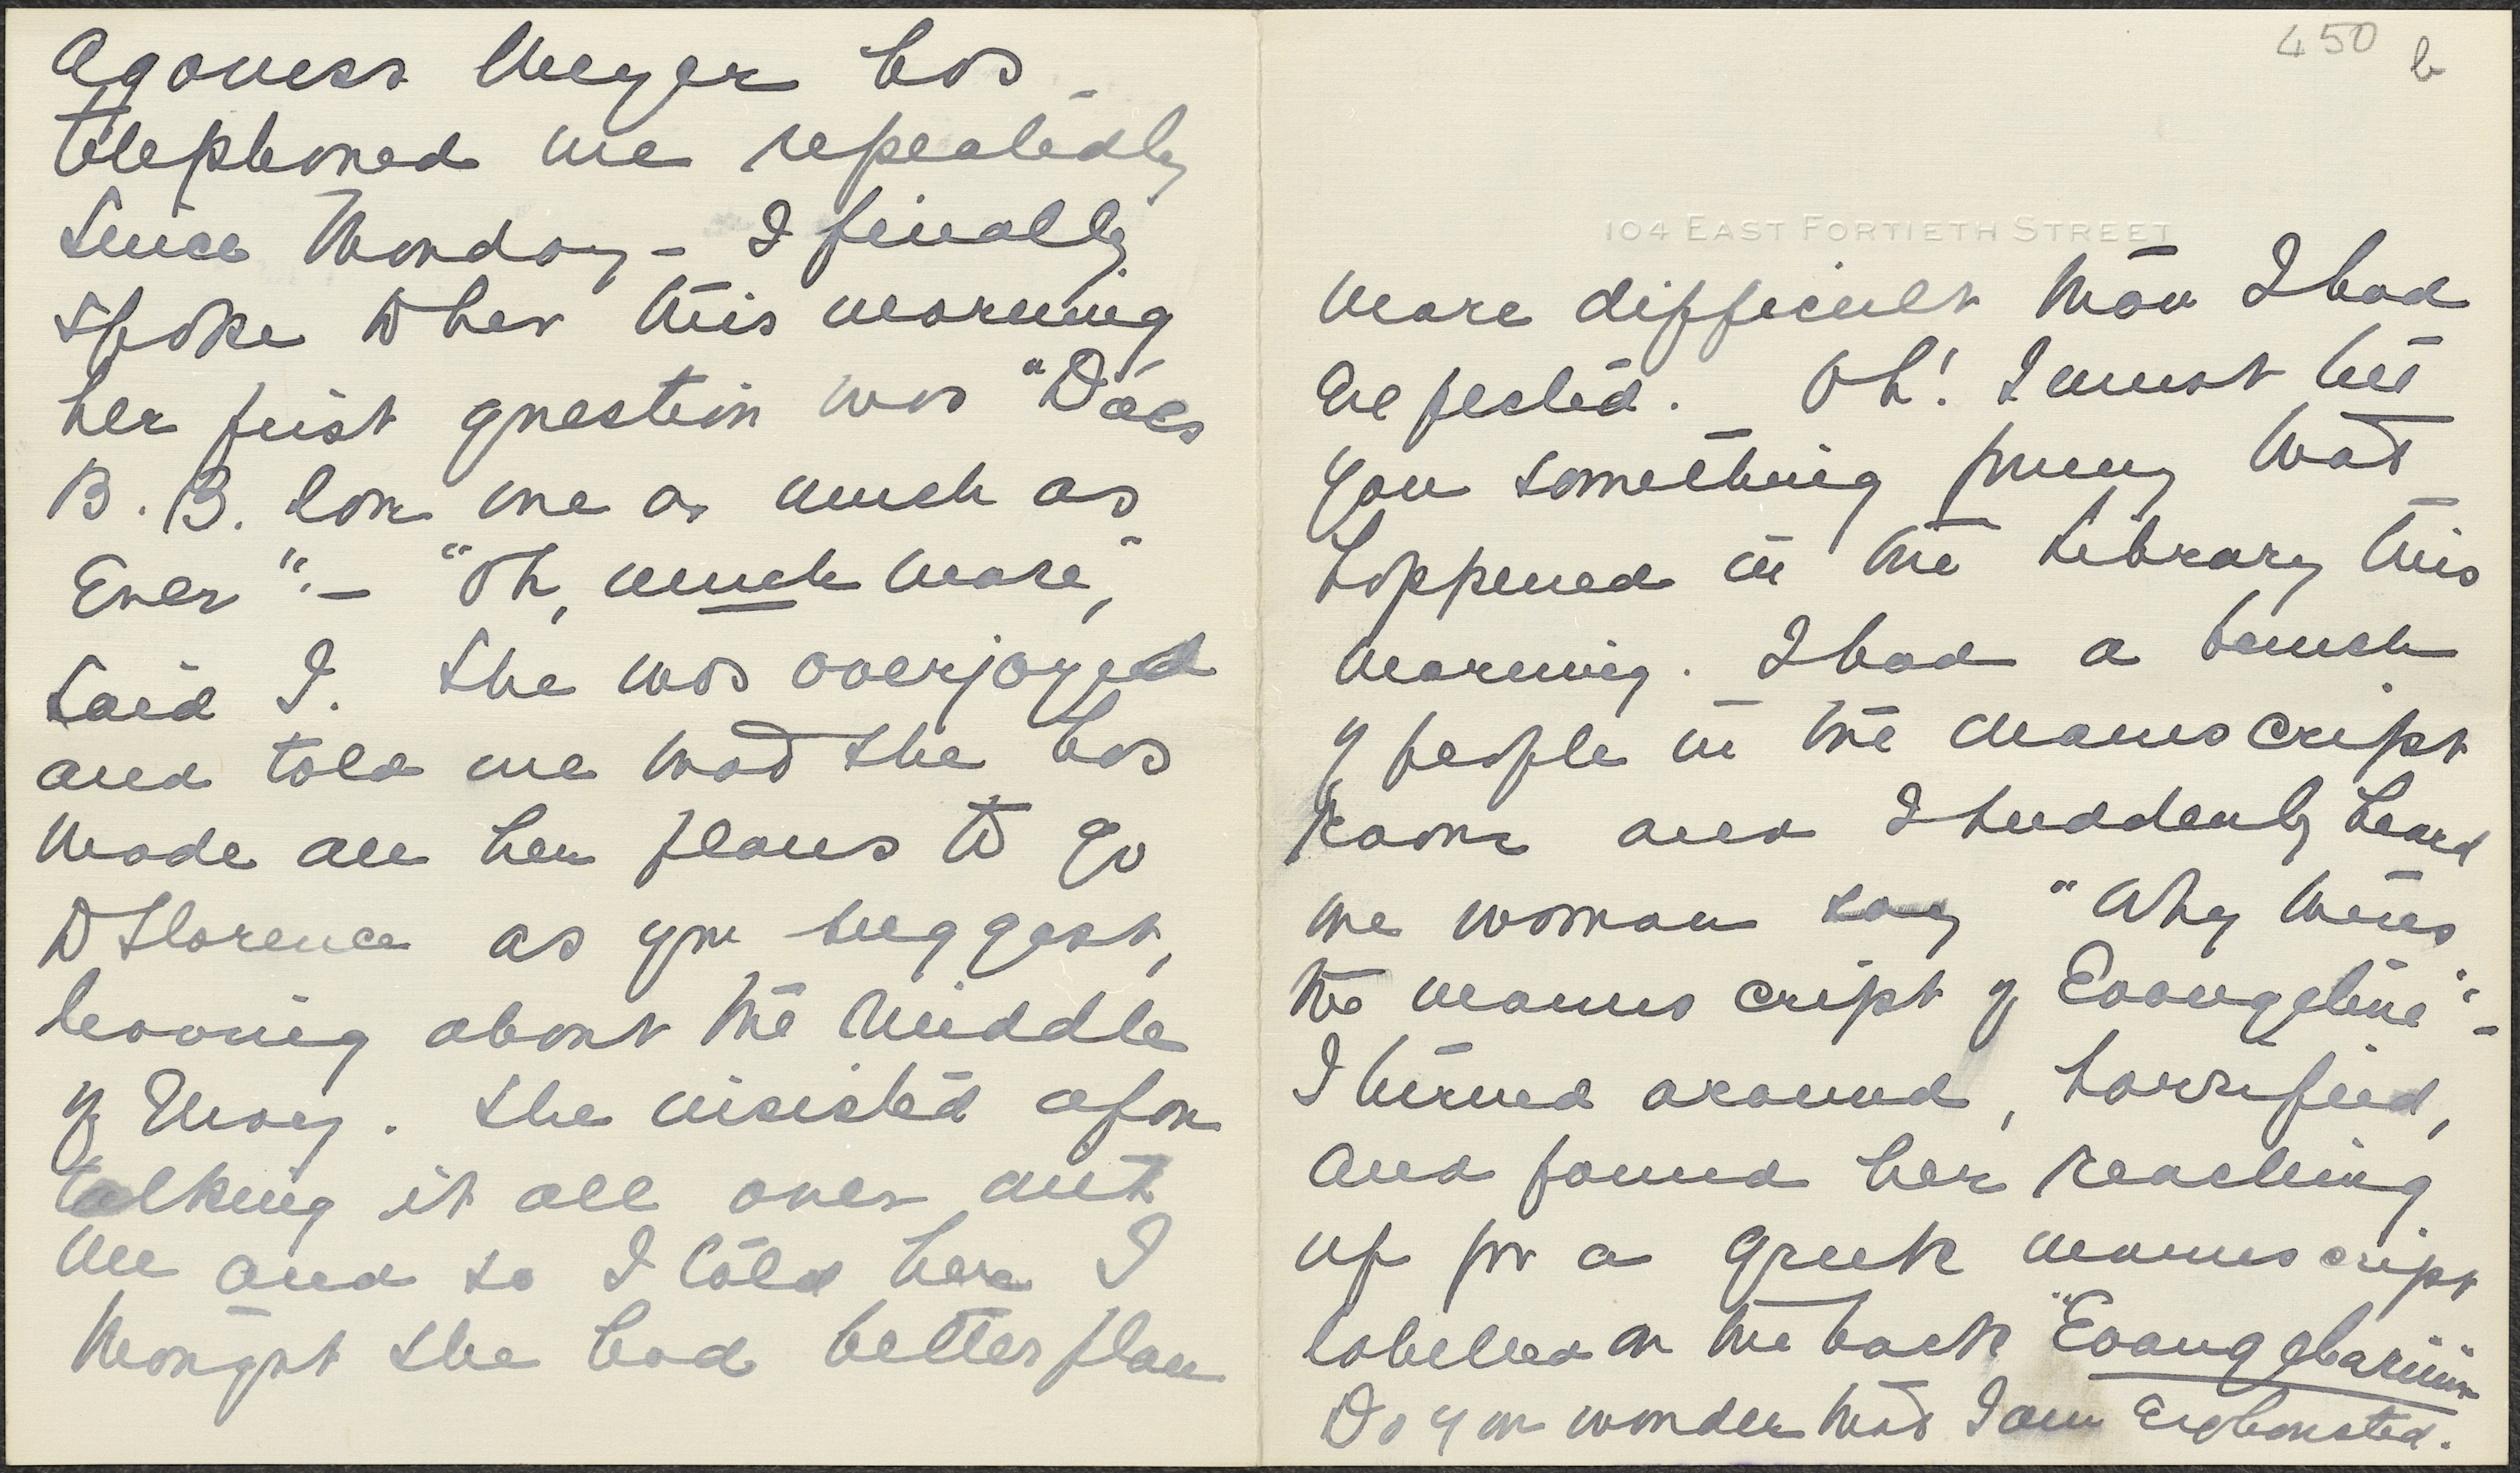more difficult than I had expected. Oh! I must tell you something funny that happened in the Library this morning. I had a bunch of people in the manuscript room and I suddenly heard one woman say “Why there’s the manuscript of Evangeline” – I turned around, horrified, and found her reaching up for a green manuscript labeled on the back “Evangelarium” Do you wonder that I am exhausted.
Agoness Meyer has telephoned me repeatedly since Monday – I finally spoke to her this morning, her first question was “Does B.B. love me as much as ever” – “Oh much more,” said I. She was overjoyed and told me that she has made all her plans to go to Florence as you suggest, leaving about this middle of May. She insisted upon talking it all over with me and so I told her I thought she had better plan